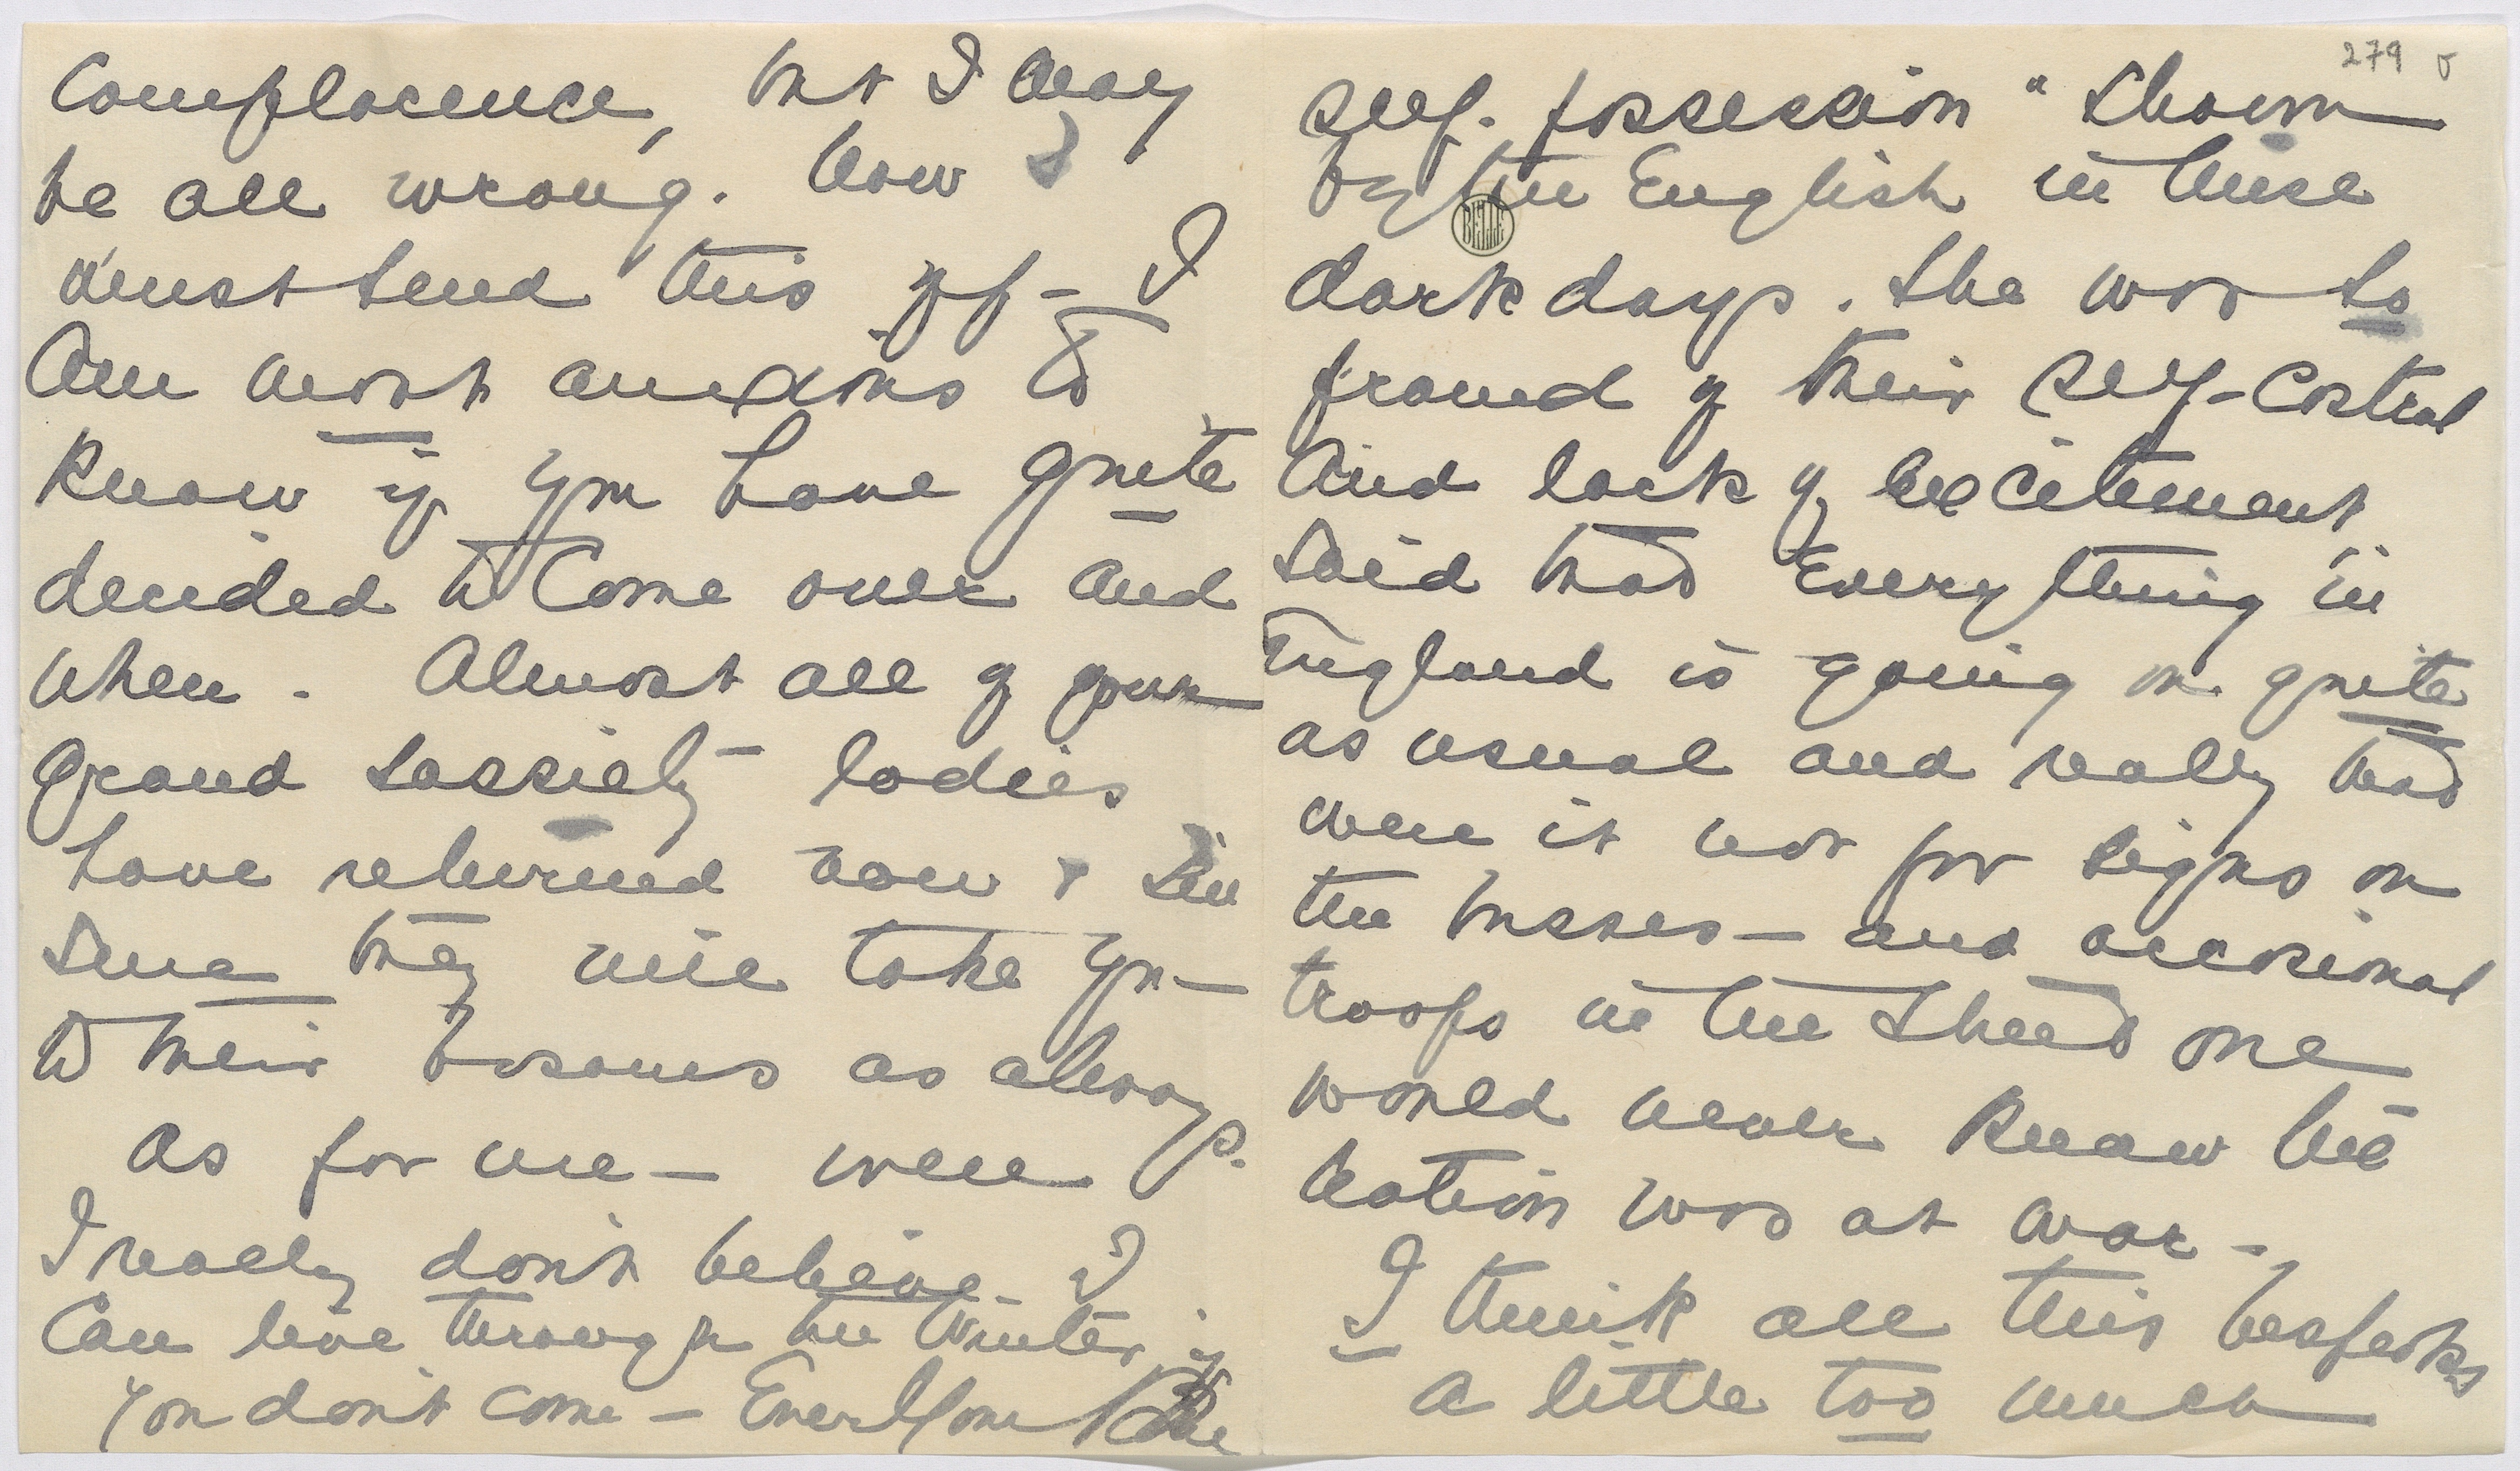self-possession” shown by the English in these dark days. She was so proud of their self-control and lack of excitement, said that everything in England is going on quite as usual and really that were it not for signs on the buses – and occasional troops in the Street one would never know the nation was at war –
I think all this bespeaks a little too much
complacence, but I may be all wrong. Now I must send this off – I am most anxious to know if you have quite decided to come over and when – Almost all of your grand sassiety ladies have returned now & I’m sure they will take you to their bosoms as always.
As for me – well I really don’t believe – I can live through the winter if you don’t come – Ever Your Belle